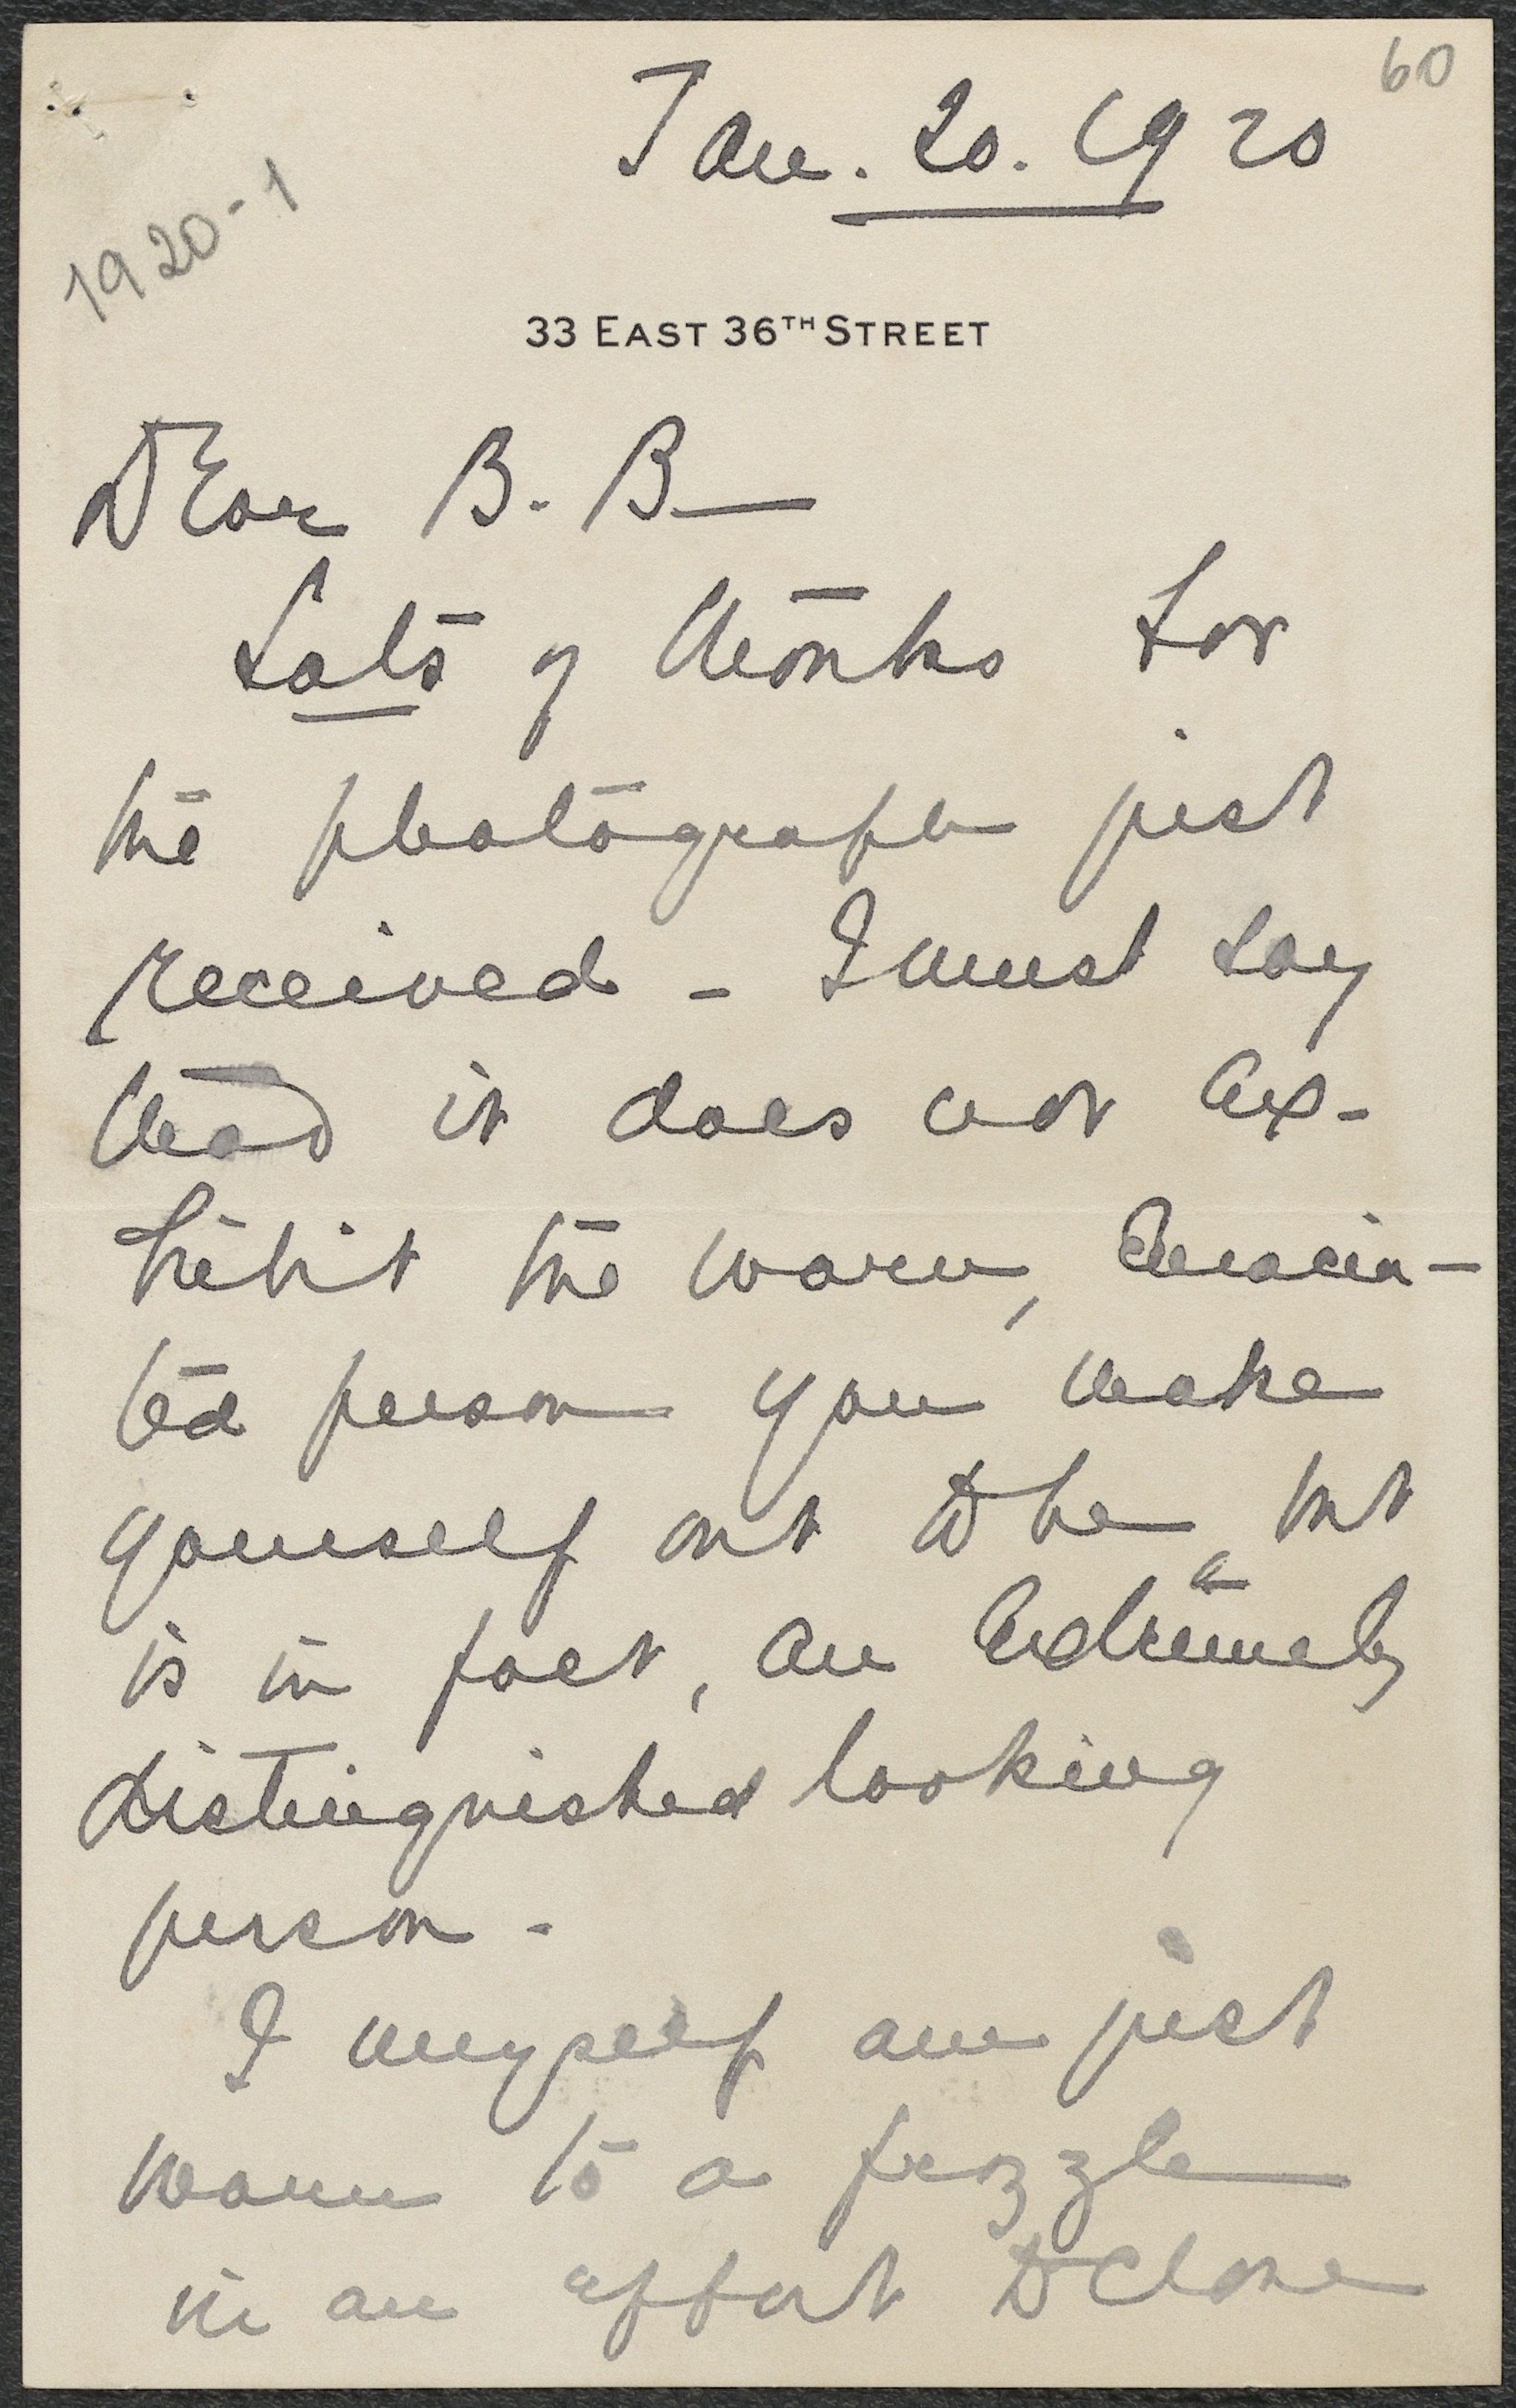Jan. 20. 1920
Dear B.B –
Lots of thanks for the photograph just received – I must say that it does not exhibit the worn, emaciated person you make yourself out to be but is in fact, an extremely distinguished looking person.
I myself am just worn to a fizzle in an effort to close